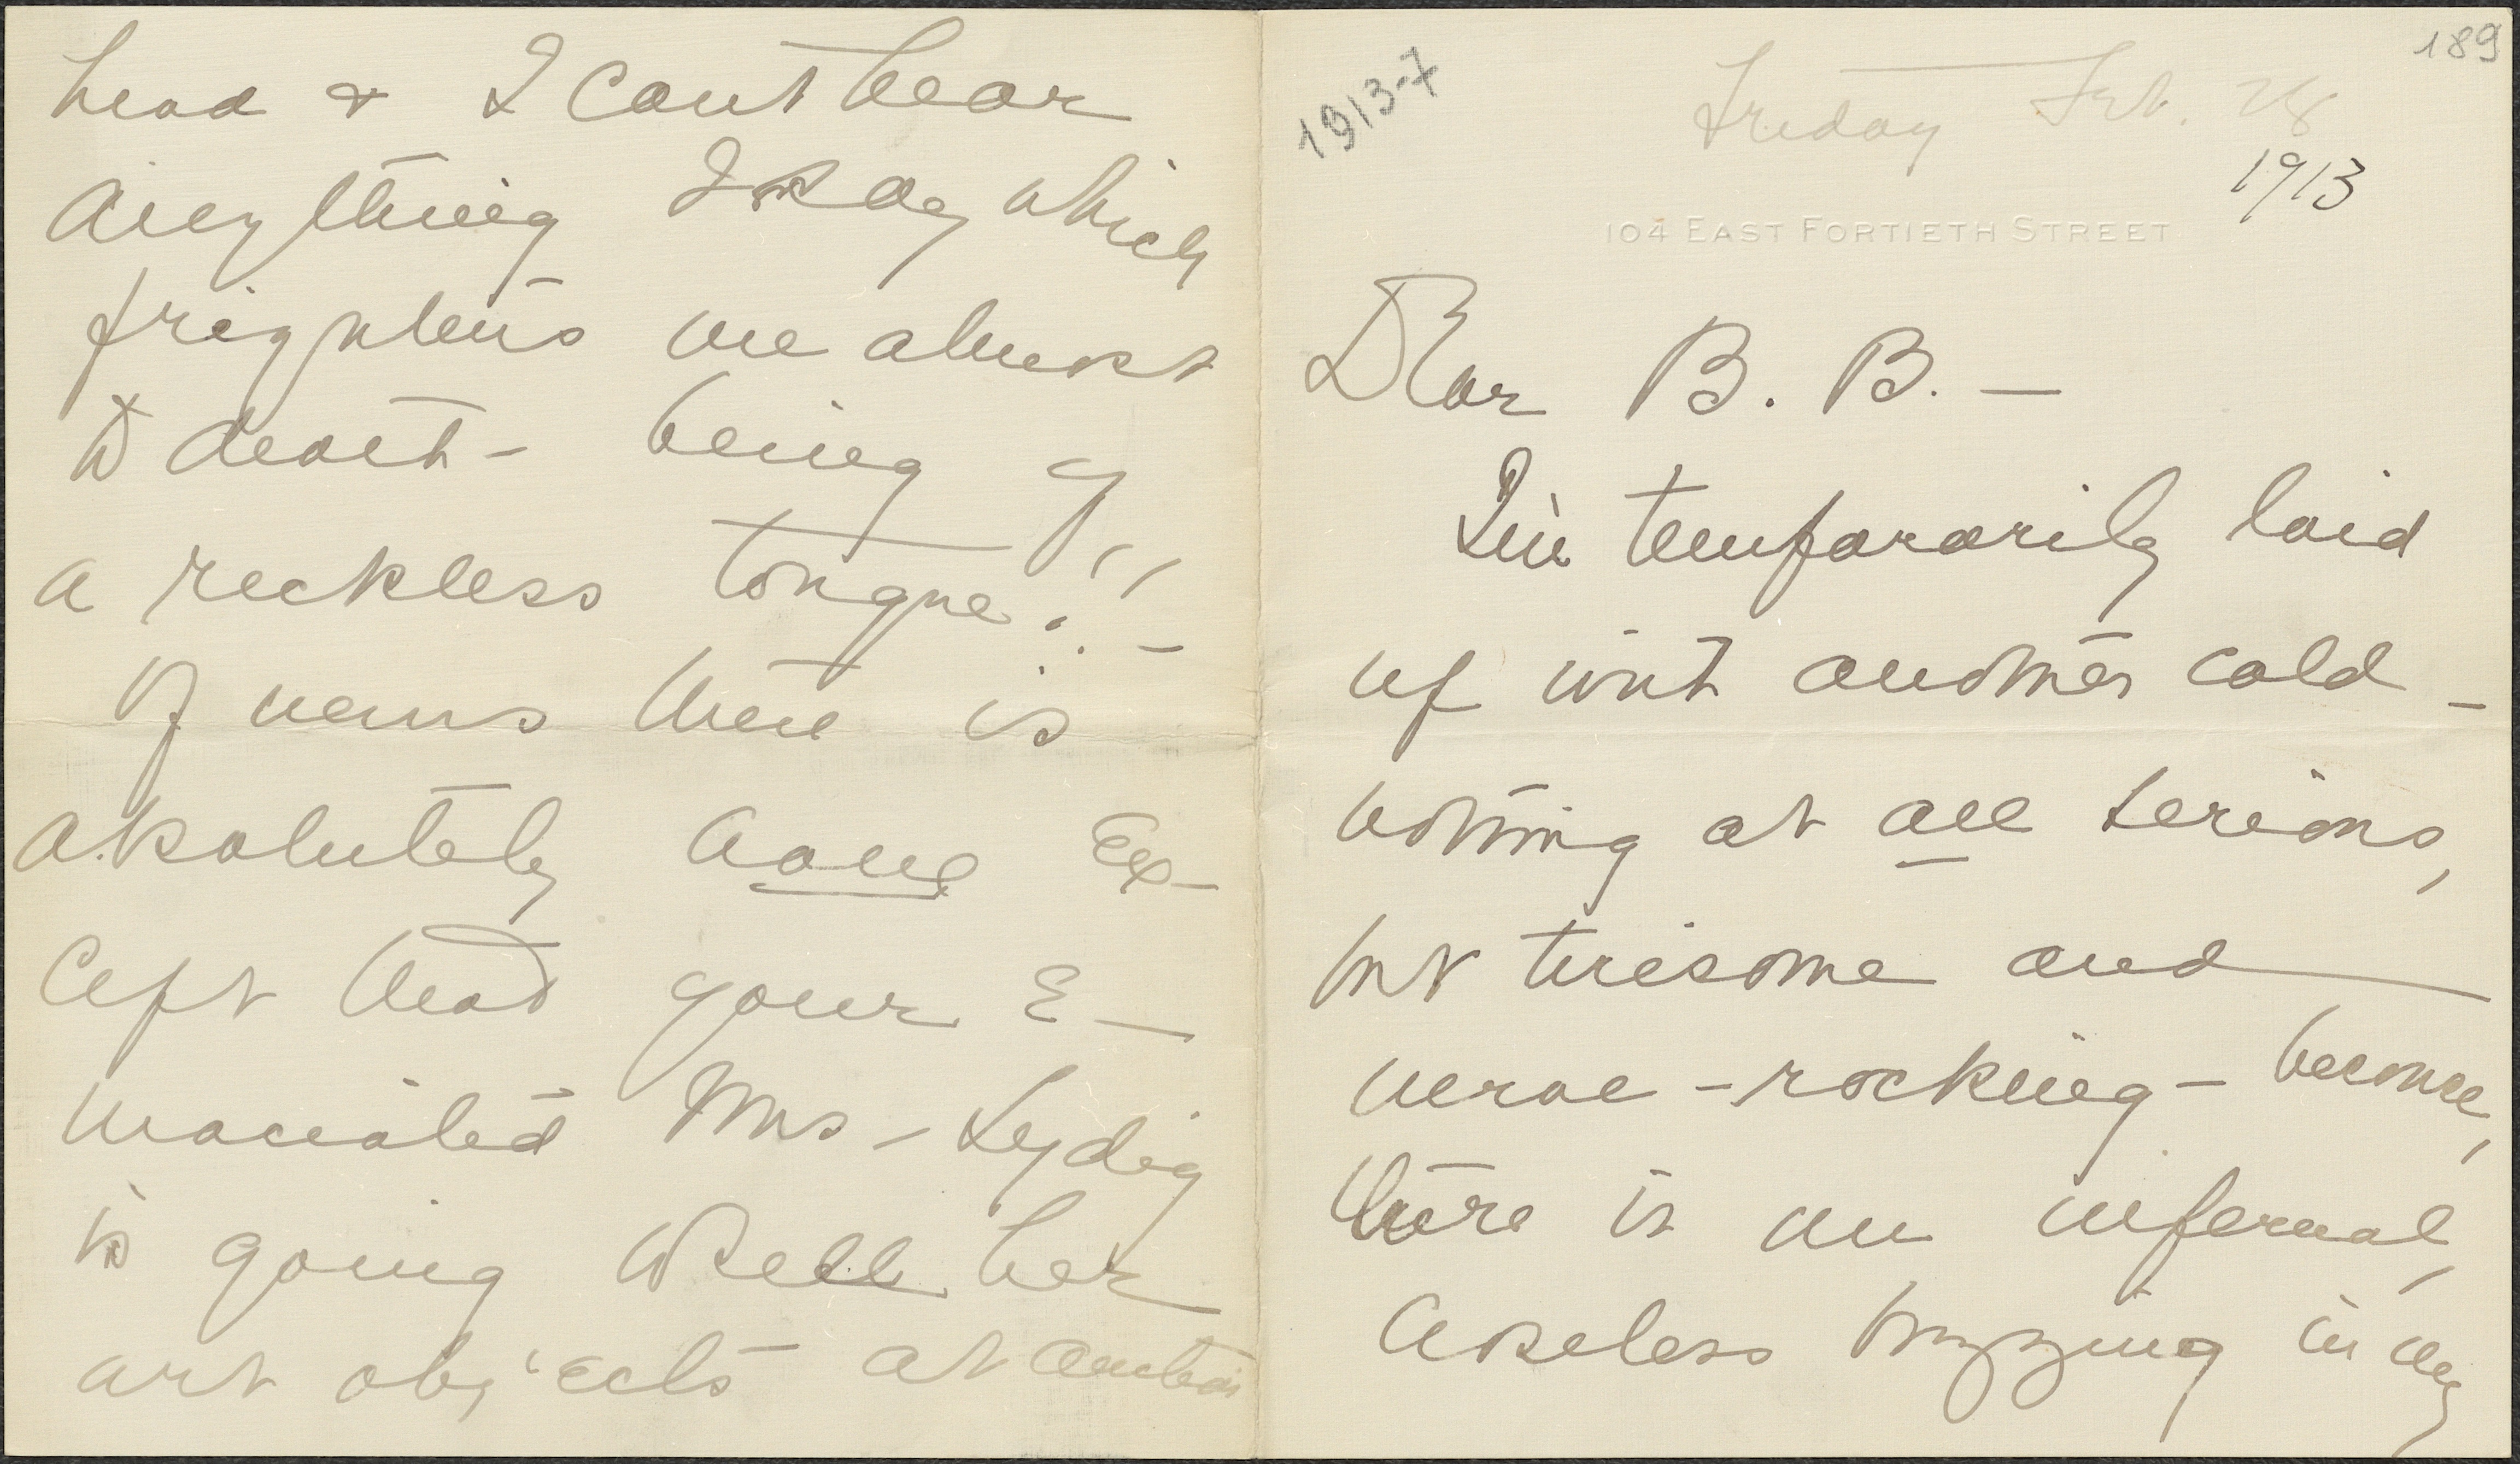Friday, February 28, 1913
Dear B. B. –
I’m temporarily laid up with another cold – nothing at all serious, but tiresome and nerve-racking – because, there is an infernal ceaseless buzzing in my
head & I cant hear anything I say which frightens me almost to death – being of a reckless tongue!! – of news there is absolutely none except that your emaciated Mrs. Lydig is going to sell her art objects at auction